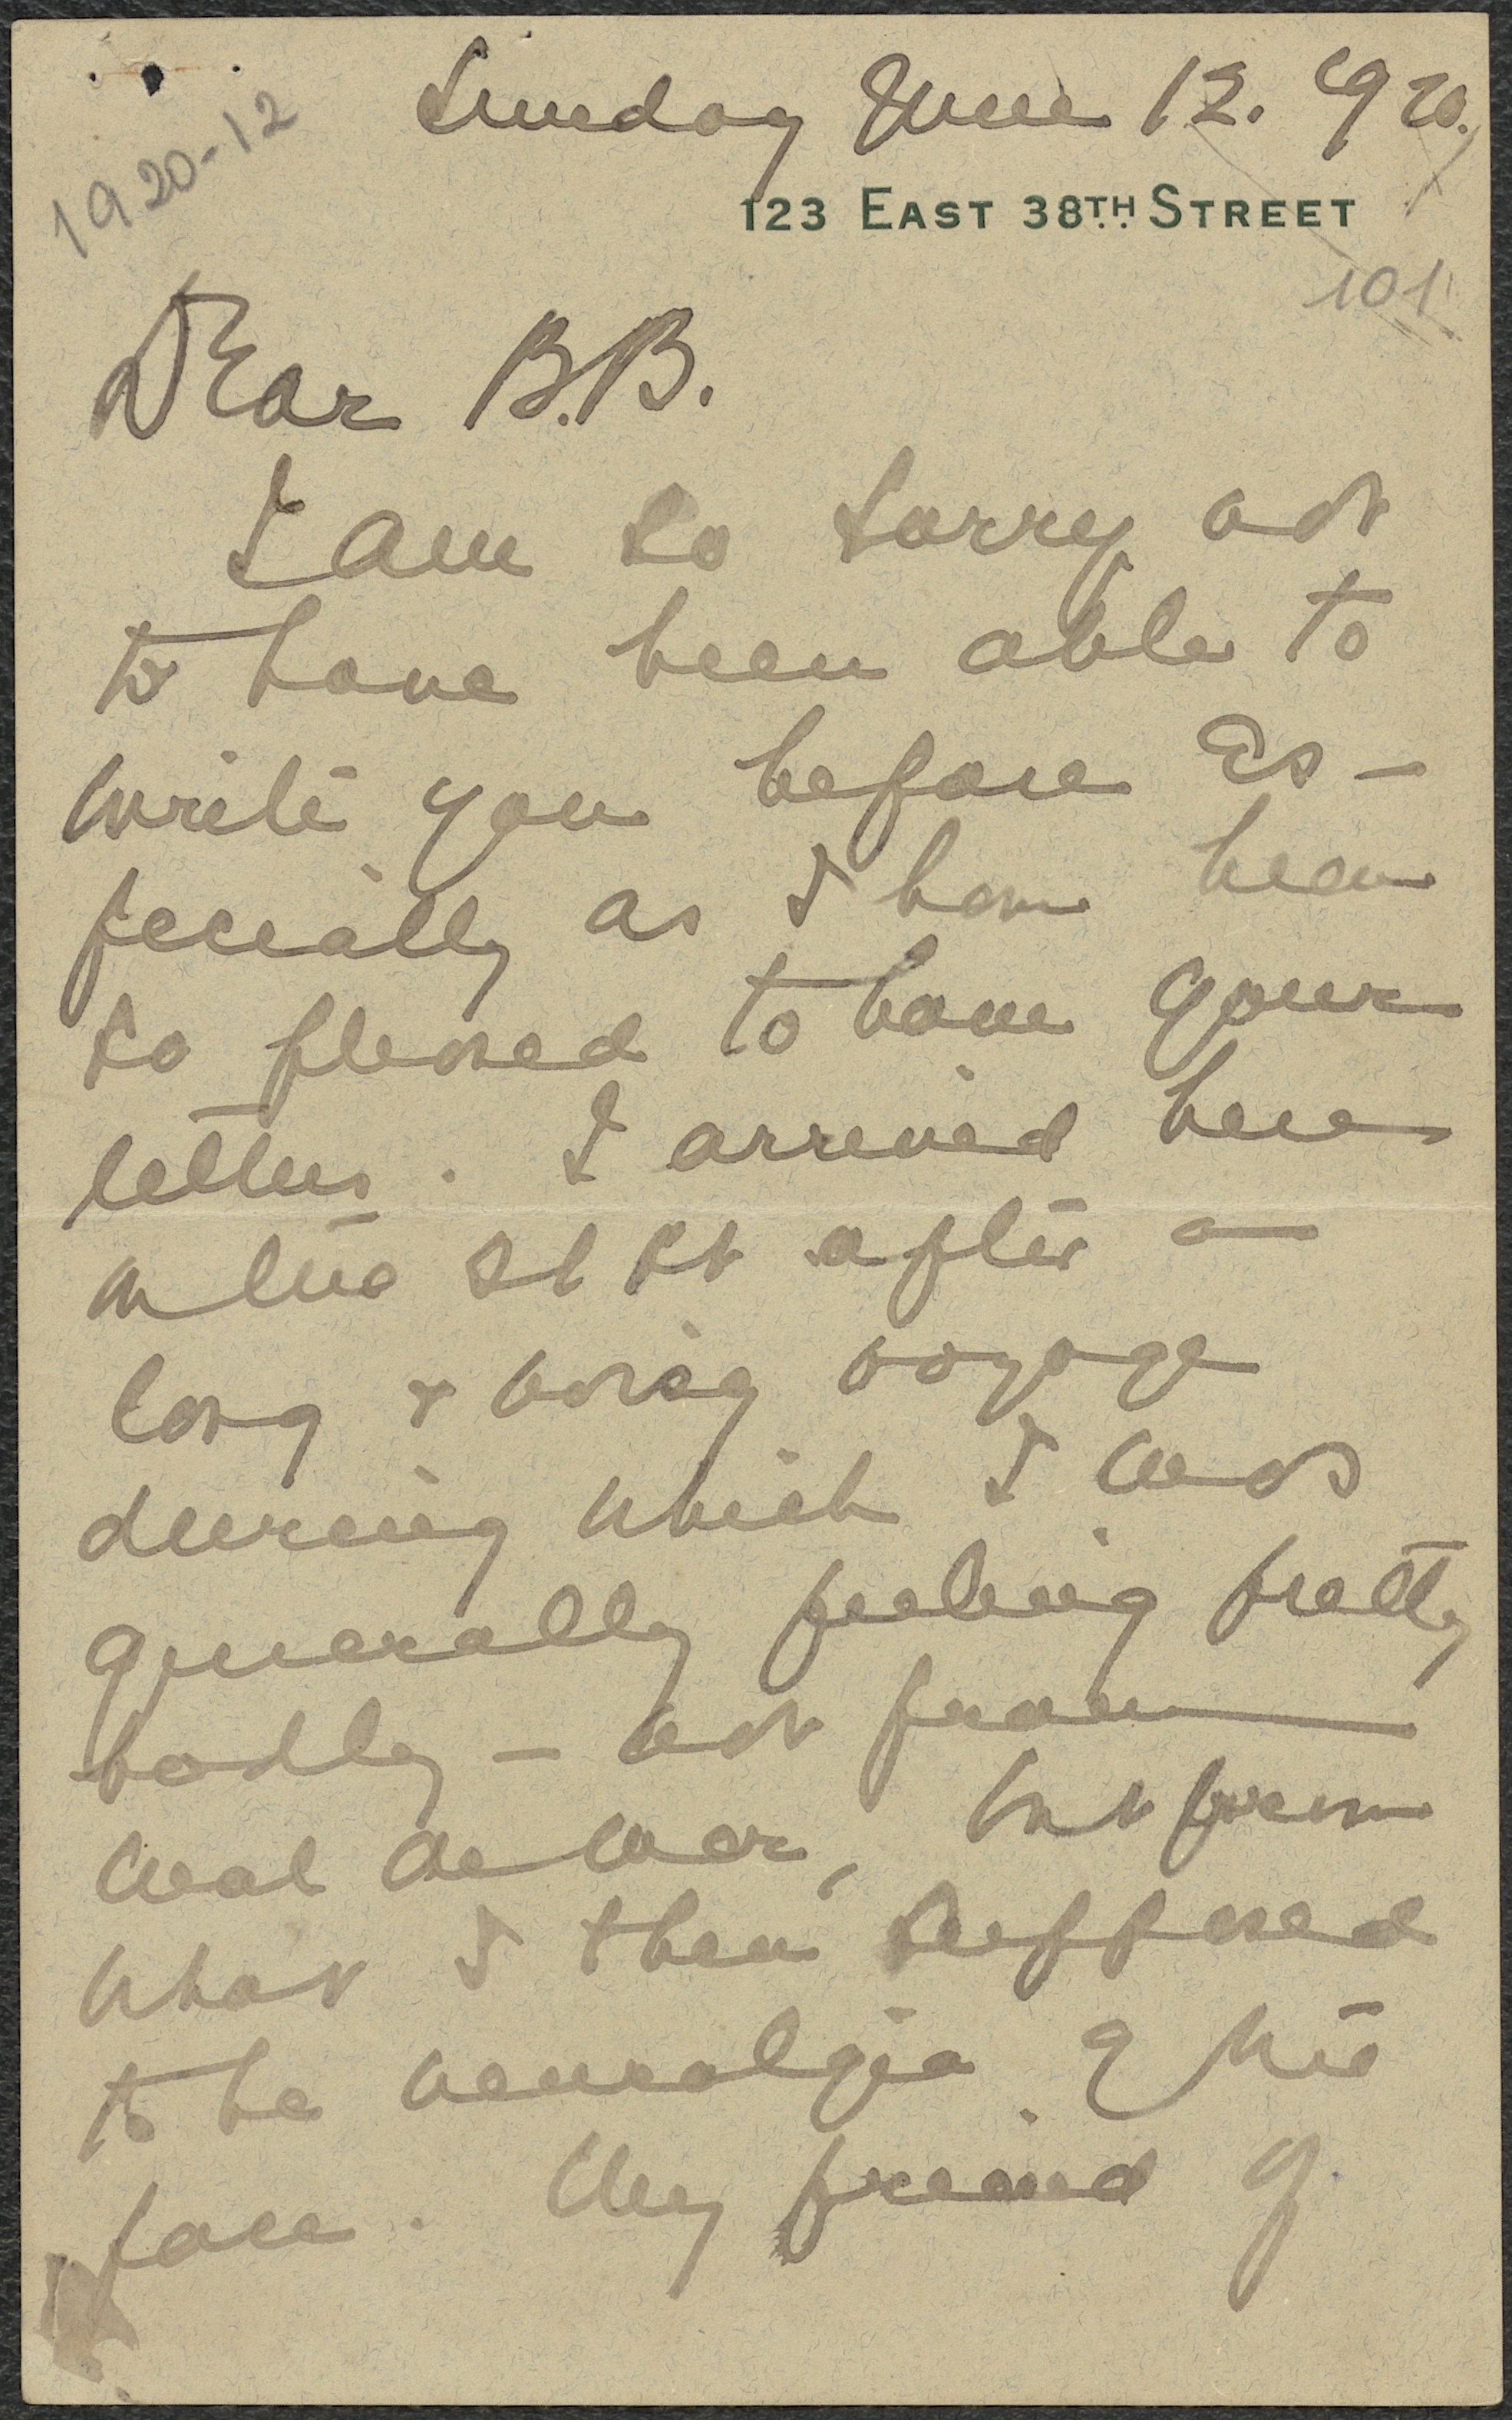Sunday June 12, 1920
Dear B.B.
I am so sorry not to have been able to write you before especially as I have been so pleased to have your letters. I arrived here on the 21st after a long & noisy voyage during which I was generally feeling pretty badly – not from mal de mer, but from what I then supposed to be neuralgia of the face. My friend of